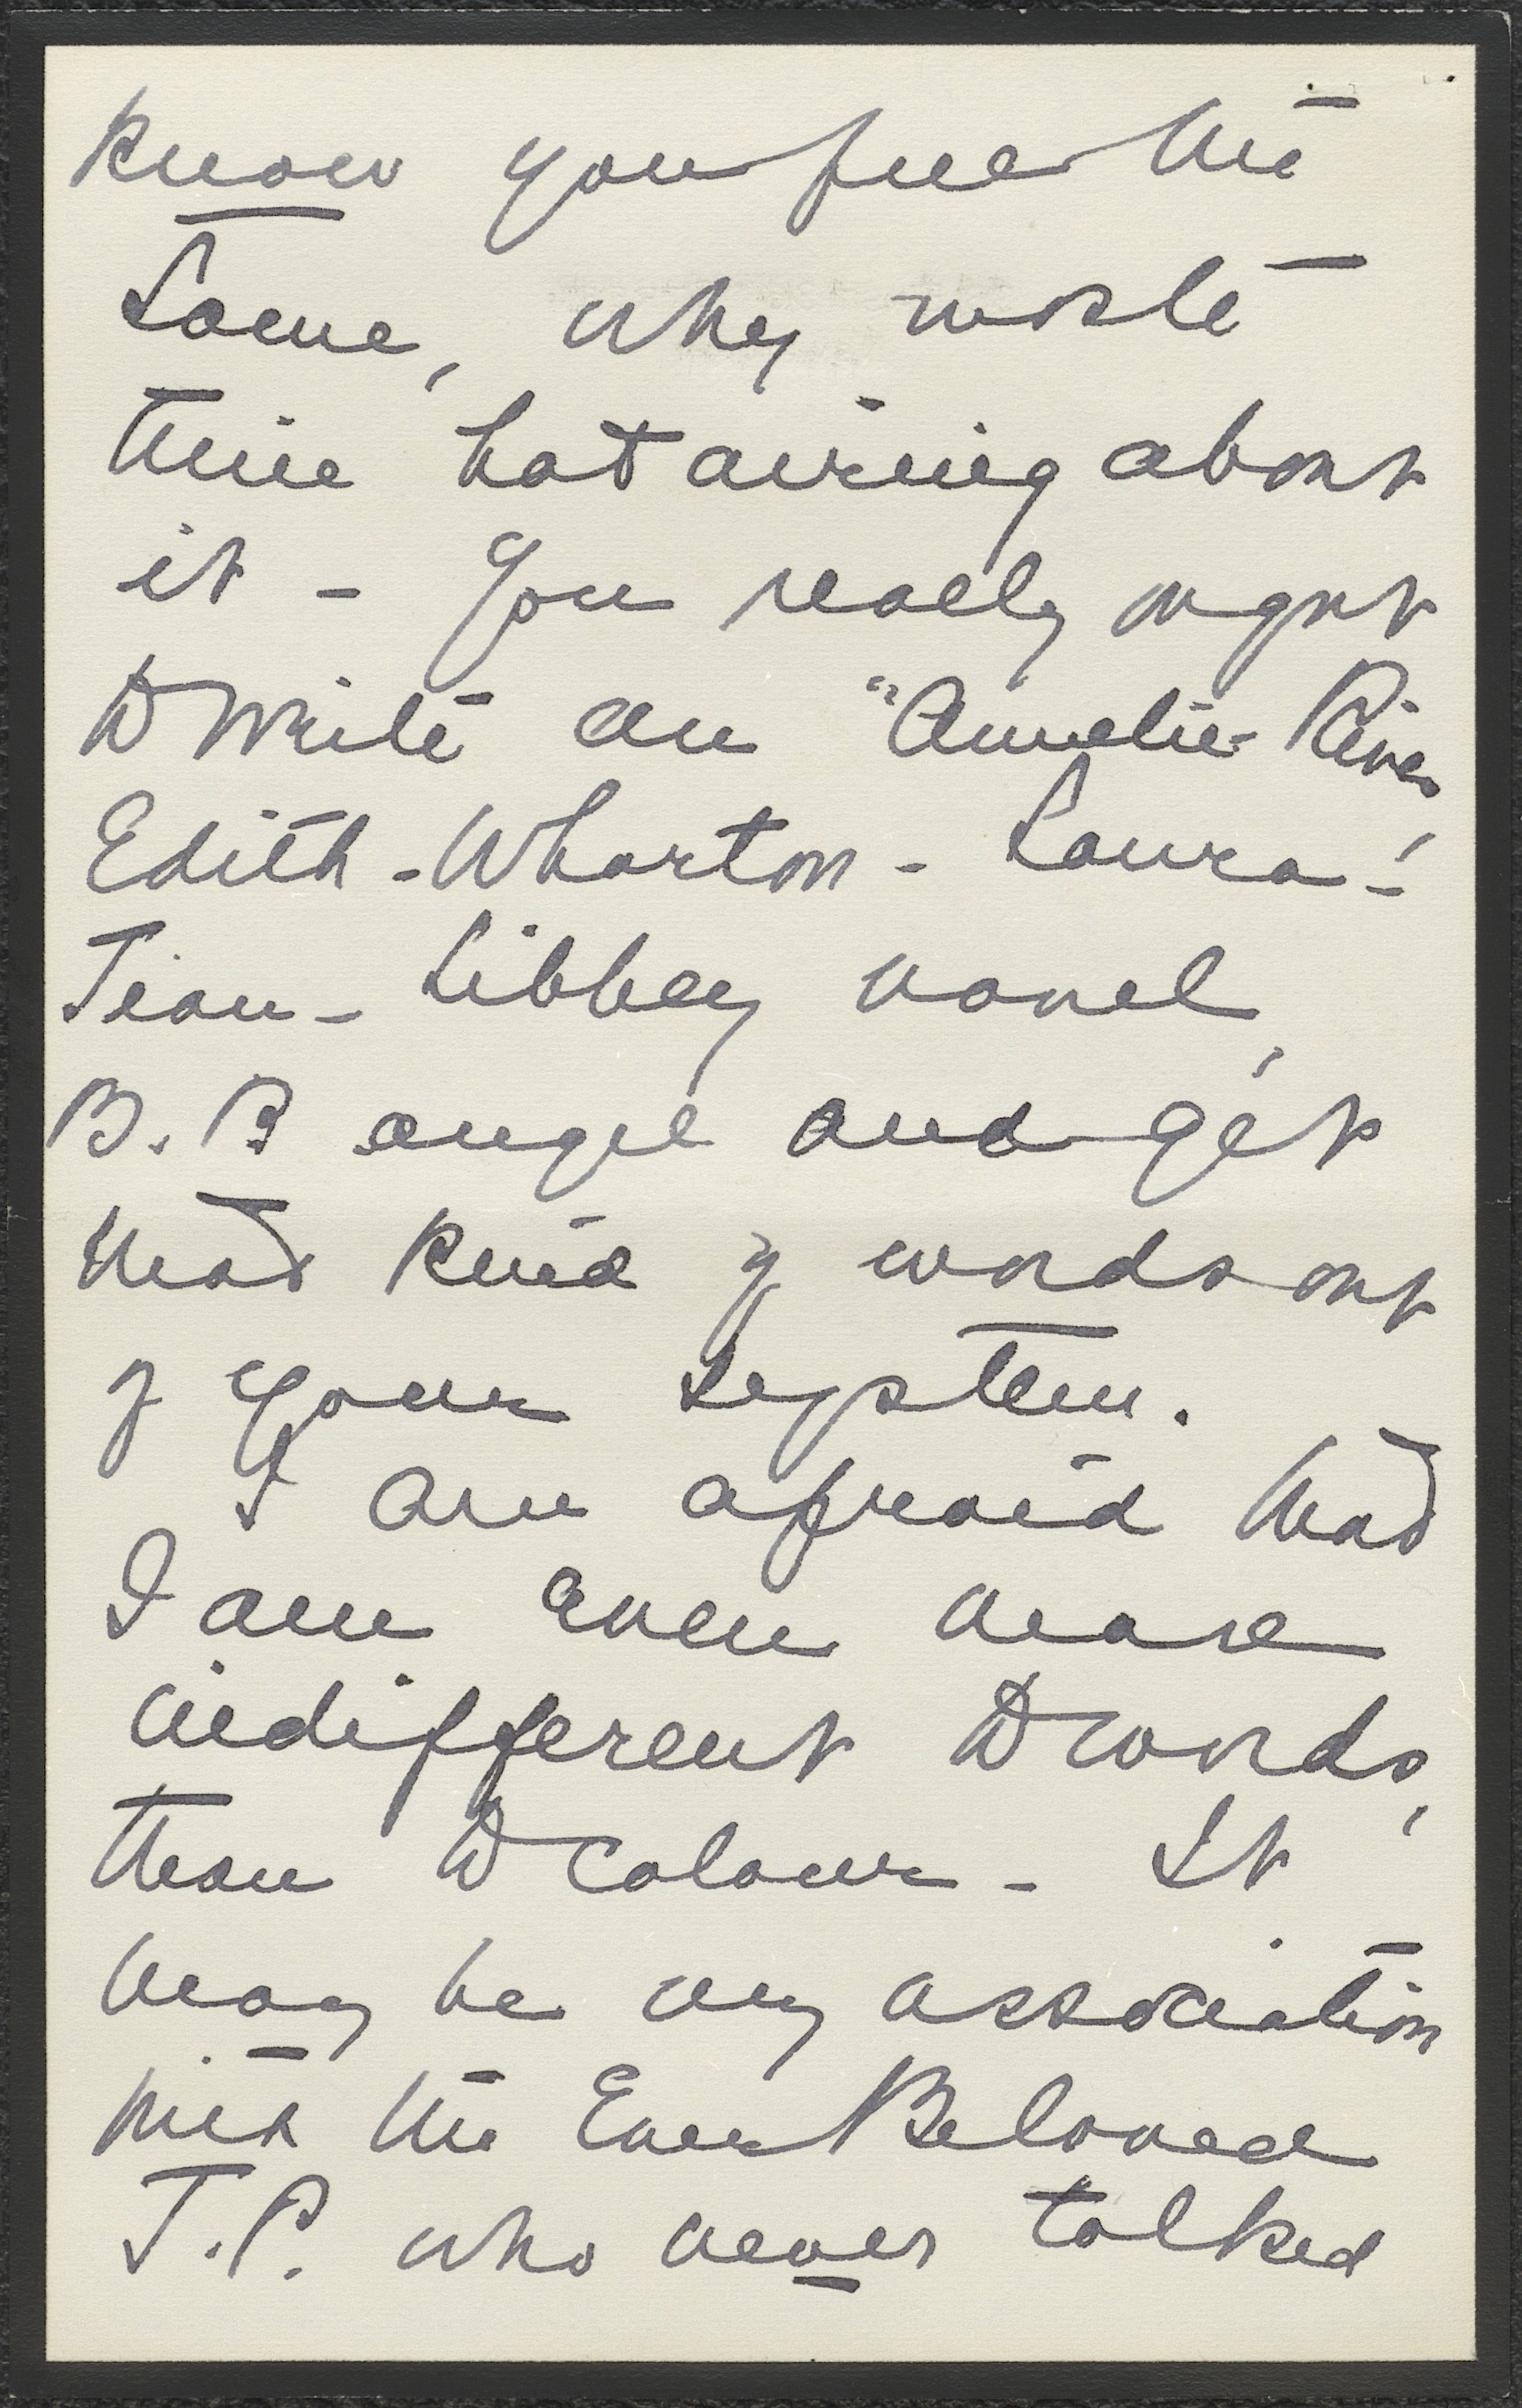know you feel the same, why waste time hot airing about it – You really ought to write an “Amelie Rives, Edith – Wharton – Laura – Jean – Libbey novel, B. B angel and get that kind of words out of your system.
I am afraid that I am even more indifferent to words, than to colour – It may be my association with the Ever Beloved J. P. who never talked